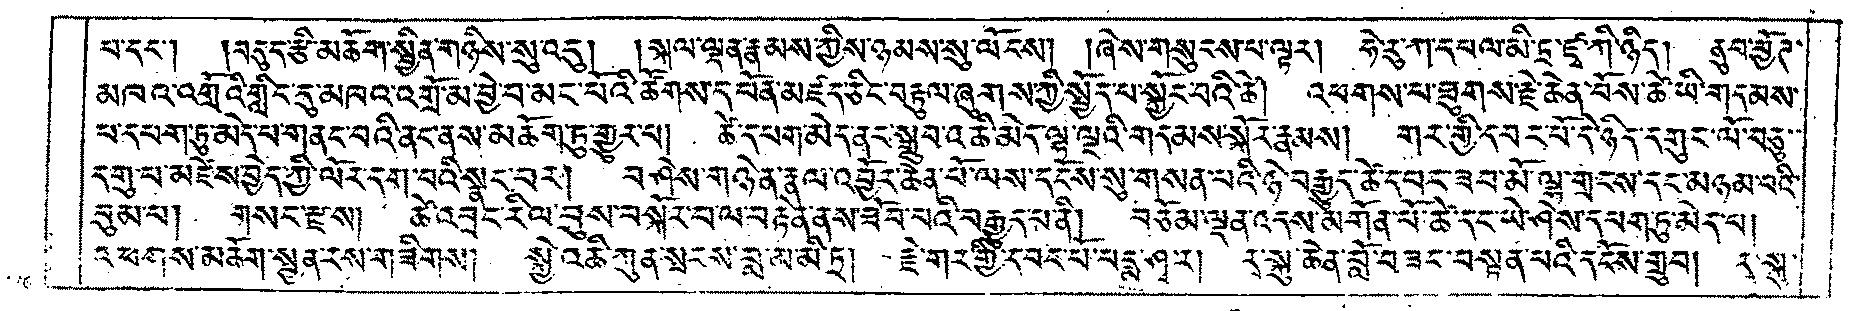པ་དང་། །བདུད་རྩི་མཆོག་སྦྱིན་གཉིས་སུ་འདུ། །སྐལ་ལྡན་རྣམས་ཀྱིས་ཉམས་སུ་ལོངས། །ཞེས་གསུངས་པ་ལྟར། ཧེ་རུ་ཀ་དཔལ་མི་ཏྲ་ཛྭ་ཀི་ཉིད། ནུབ་ཕྱོགས་
མཁའ་འགྲོའི་གླིང་དུ་མཁའ་འགྲོ་མ་བྱེ་བ་མང་པོའི་ཚོགས་དཔོན་མཛད་ཅིང་བརྟུལ་ཞུགས་ཀྱི་སྤྱོད་པ་སྐྱོང་བའི་ཚེ། འཕགས་པ་ཐུགས་རྗེ་ཆེན་པོས་ཚེ་ཡི་གདམས་
པ་དཔག་ཏུ་མེད་པ་གནང་བའི་ནང་ནས་མཆོག་ཏུ་གྱུར་པ། ཚེ་དཔག་མེད་ནང་སྒྲུབ་འཆི་མེད་ལྷ་ལྔའི་གདམས་སྐོར་རྣམས། གར་གྱི་དབང་པོ་དེ་ཉིད་དགུང་ལོ་བཅུ་
དགུ་པ་མཛེས་བྱེད་ཀྱི་ལོར་དག་པའི་སྣང་བར། བཤེས་གཉེན་རྣལ་འབྱོར་ཆེན་པོ་ལས་དངོས་སུ་གསན་པའི་ཉེ་བརྒྱུད་ཚེ་དབང་ཟབ་མོ་ལྷ་གྲངས་དང་མཉམ་པའི་
བུམ་པ། གསང་རྫས། ཚེ་འབྲང་རིལ་བུས་བསྐོར་པ་ལ་བརྟེན་ནས་ཐོབ་པའི་བརྒྱུད་པ་ནི། བཅོམ་ལྡན་འདས་མགོན་པོ་ཚེ་དང་ཡེ་ཤེས་དཔག་ཏུ་མེད་པ།
འཕགས་མཆོག་སྤྱན་རས་གཟིགས། སྐྱེ་འཆི་ཀུན་སྤངས་བླ་མ་མི་ཏྲ། རྗེ་གར་གྱི་དབང་པོ་པདམ་ཤྭ་ར། རྭ་སྐུ་ཆེན་བློ་བཟང་བསྟན་པའི་དངོས་གྲུབ། རྭ་སྐུ་